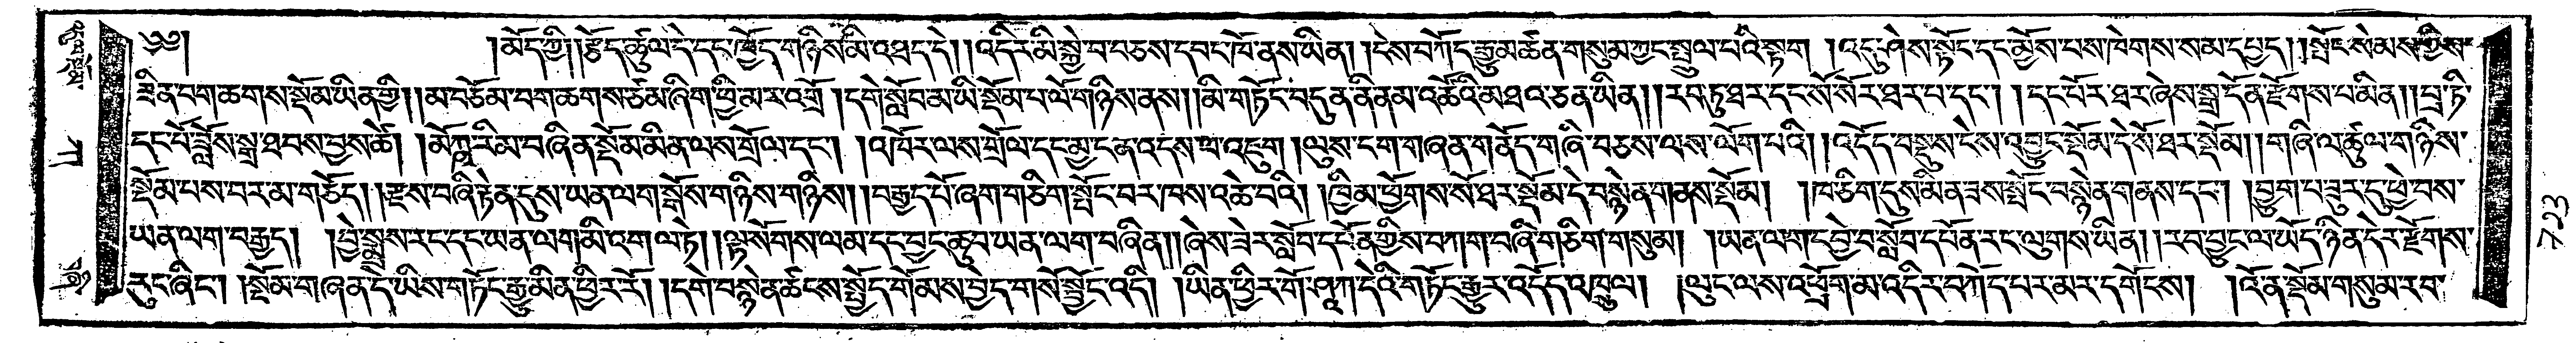༄༅། །མོད་ཀྱི། །རྩོད་ཚུལ་དེ་དང་ཁྱོད་གཉིས་མི་འཐད་དེ། །འདིར་མི་སྐྱེ་བ་བཅས་དབང་ཁོ་ནས་ཡིན། །ངེས་བཀོད་རྒྱུ་མཚན་གསུམ་ཀྱང་སྤྲུལ་པའི་སྟག །འདུ་ཤེས་སྟོང་དང་མྱོས་པས་ཁེགས་སམ་དཔྱད། །སྤོང་སེམས་ཀྱིས་
ཟིན་བག་ཆགས་སྔོམ་ཡིན་གྱི། །མ་བཅོམ་བག་ཆགས་ཙམ་ཞིག་ཕྱི་མར་འགྲོ། །དགེ་སློབ་མ་ཡི་སྔོམ་པ་ལོ་གཉིས་ནས། །མི་གཏོང་བདུན་ནི་ནམ་འཚོའི་མཐའ་ཅན་ཡིན། །རབ་ཏུ་ཐར་དང་སོ་སོར་ཐར་པ་དང་། །དང་པོར་ཐར་ཞེས་སྒྲ་དོན་རྫོགས་པ་མིན། །པྲ་ཏི་
དང་པོ་ཟློས་སྒྲ་ཐབས་བྱས་ཚེ། །མོཀྵ་རིམ་བཞིན་སྡོམ་མིན་ལས་གྲོལ་དང་། །འཁོར་ལས་གྲལ་དང་མྱ་ངན་ན་འདས་ལ་འཇུག། །ལུས་དག་གཞན་གནོད་གཞི་བཅས་ལས་ལོག་པའི། །འདོད་བསྡུས་དེས་འབྱུང་སྡོམ་དེ་སོ་ཐར་སྡོམ། །གཞི་ལ་ཚུལ་གཉིས་
སྡོམ་པས་བར་མ་གཅོད། །རྫས་བཞི་རྟེན་དུས་ཡན་ལག་སྒོས་གཉིས་གཉིས། །བརྒྱད་པོ་ཞག་གཅིག་སྤོང་བར་ཁས་འཆེ་བའི། །ཁྱིམ་ཕྱོགས་སོ་ཐར་སྡོམ་དེ་བསྙེན་གནས་སྡོམ། །ཁ་ཅིག་དུས་མིན་ཟས་སྤོང་བསྙེན་གནས་དང་། །བྱུག་པ་ཟུར་དུ་ཕྱེ་བས་
ཡན་ལག་བརྒྱད། །བྱེ་སྨྲས་རང་དང་ཡན་ལག་མི་འགལ་ཏེ། །ལྟ་སོགས་ལམ་དང་བྱང་ཆུབ་ཡན་ལག་བཞིན། །ཞེས་ཟེར་སློབ་དཔོན་གྱིས་བཀག་བཞི་གཅིག་གསུམ། །ཡན་ལག་དབྱེ་བ་སློབ་དཔོན་རང་ལུགས་ཡིན། །རབ་བྱུང་ལ་ཡོད་ཉིན་དེར་རྫོགས་
རུང་ཞིང་། །སྡོམ་གཞན་དེ་ཡིས་གཏོང་རྒྱུ་མིན་ཕྱིར་རོ། །དགེ་བསྙེན་ཚངས་སྤྱོད་གོམས་བྱེད་གསོ་སྦྱོང་འདི། །ཡིན་ཕྱིར་གོ་ཤྰྐ་དེའི་གཏོང་རྒྱུར་འདོད་འཁྲུལ། །ལུང་ལས་འཕྲོག་མ་འདིར་བཀོད་པར་མར་དགོངས། །འོ་ན་སྡོམ་གསུམ་རབ་